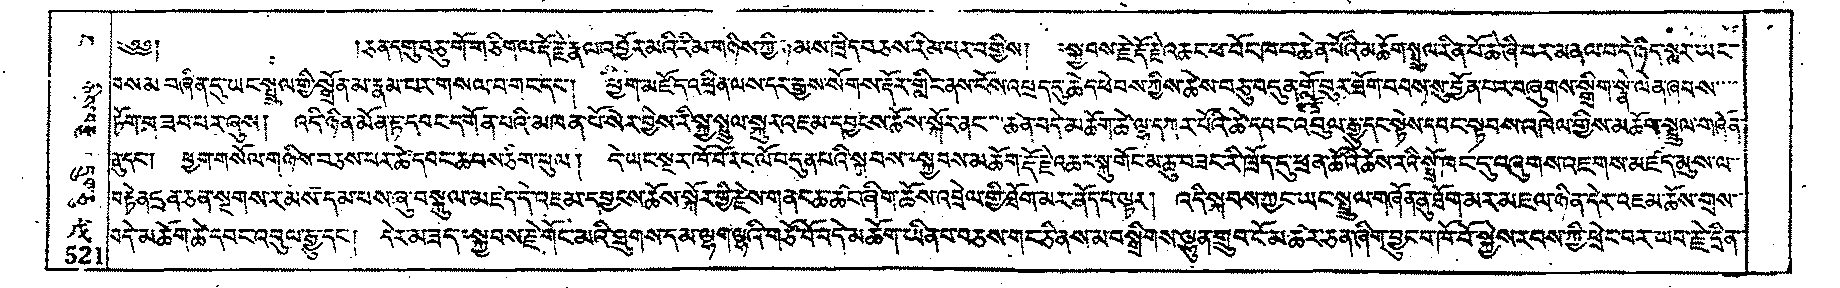༄༅། །ཅན་དགུ་བཅུ་གོ་གཅིག་ལ་རྡོ་རྗེ་རྣལ་འབྱོར་མའི་རིམ་གཉིས་ཀྱི་ཉམས་ཁྲིད་བཅས་རིམ་པར་བགྱིས། ༧སྐྱབས་རྗེ་རྡོ་རྗེ་འཆང་ཕ་བོང་ཁ་པ་ཆེན་པོའི་མཆོག་སྤྲུལ་རིན་པོ་ཆེ་ཞི་བར་མནལ་བ་དེ་ཉིད་སླར་ཡང་
བསམ་བཞིན་དུ་ཡང་སྤྲུལ་གྱི་སྒྲོན་མ་རྣམ་པར་གསལ་བ་གང་དང་། ཕྱག་མཛོད་འཕྲིན་ལས་དར་རྒྱས་སོགས་རྡོར་གླིང་ནས་ངོས་འཕྲད་དུ་ཆེད་ཕེབས་ཀྱིས་ཚེས་བཅུ་བདུན་སྔ་དྲོ་གློ་བུར་ཐོག་བབས་སུ་བྱོན་པར་བཞུགས་སྒྲིག་སྣེ་ལེན་ཞབས་
ཏོག་གཟབ་པར་ཞུས། འདི་ཉིན་མོན་རྟ་དབང་དགོན་པའི་མཁན་པོ་སེར་བྱེས་རི་སྐྱ་སྤྲུལ་སྐུར་འཇམ་དབྱངས་ཆོས་སྐོར་ནང་ཚན་བདེ་མཆོག་ཚེ་ལྷ་དཀར་པོའི་ཚེ་དབང་འབུལ་རྒྱུ་དང་སྟེས་དབང་སྟབས་འཁེལ་གྱིས་མཆོག་སྤྲུལ་གཞོན་
ནུ་དང་། ཕྱག་གསོལ་གཉིས་བཅས་པར་ཚེ་དབང་ཆབས་ཅིག་ཕུལ། དེ་ཡང་སྔར་ཁོ་བོ་རང་ལོ་བདུན་པའི་སྐབས་༧སྐྱབས་མཆོག་རྡོ་རྗེ་འཆང་སྐུ་གོང་མ་ཆུ་བཟང་རི་ཁྲོད་དུ་ཕྲན་ཚོའི་ཆོས་རའི་སྤྲོ་ཁང་དུ་བཞུགས་འཇགས་མཛད་མུས་ལ་
བརྟེན་དྲན་ཅན་སྔགས་རམས་དམ་པས་ཞུ་བསྐུལ་མཛད་དེ་འཇམ་དབྱངས་ཆོས་སྐོར་གྱི་རྗེས་གནང་ཆ་ཚང་ཞིག་ཆོས་འབྲེལ་གྱི་ཐོག་མར་ནོད་པ་ལར། འདི་སྐབས་ཀྱང་ཡང་སྤྲུལ་གཞོན་ནུ་ཐོག་མར་མཇལ་ཉིན་དེར་འཇམ་ཆོས་གྲས་
བདེ་མཆོག་ཚེ་དབང་འབུལ་རྒྱུ་དྣག། དེར་མ་ཟད་༧སྐྱབས་རྗེ་གོང་མའི་ཐུགས་དམ་ལྷག་ལྷའི་གཙོ་བོ་བདེ་མཆོག་ཡིན་པ་བཅས་གང་ཅི་ནས་མ་བསྒྲིགས་ལྷུན་གྲུབ་ངོ་མཚར་ཅན་ཞིག་བྱུང་བ་ཁོ་བོ་སྐྱེས་རབས་ཀྱི་ཕྲེང་བར་ཡབ་རྗེ་དྲིན་